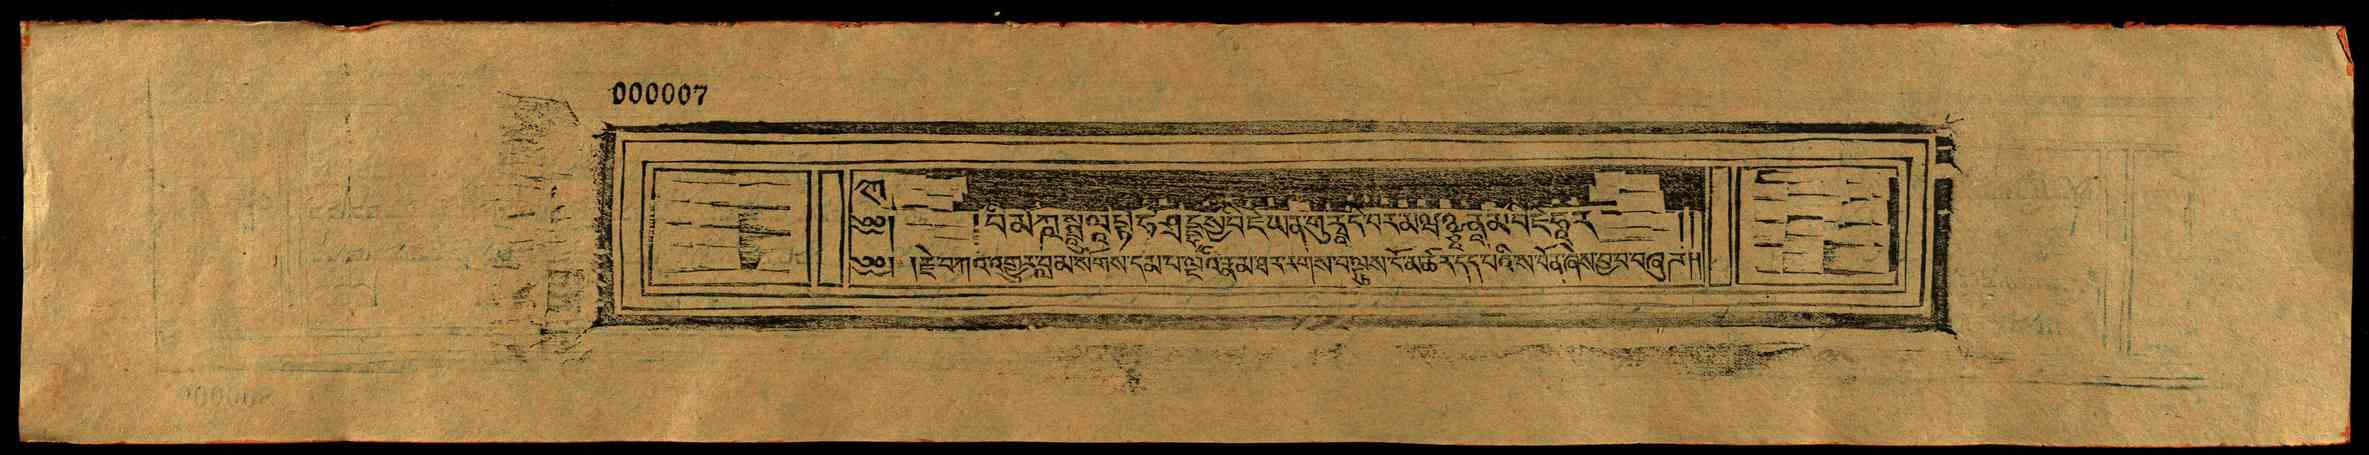ལས
༄༅། །བི་མོ་ཀྵ་སྠཱུ་ལཱ་པྟོ་ཧོ་ཤྲ་དྡྷ་སྱ་བི་ཛ་ཡ་ན་གུ་རཱ་དཔར་མ་ཝ་ཉྩ་ནཱ་མ་བི་ཛཧཱ་ར་།།
༄༅། །རྗེ་བཀའ་འགྱུར་བླ་མ་སོགས་དམ་པ་ལྔའི་རྣམ་ཐར་རགས་བསྡུས་ངོ་མཚར་དད་པའི་ས་བོན་ཞེས་བྱ་བ་བཞུགས།།